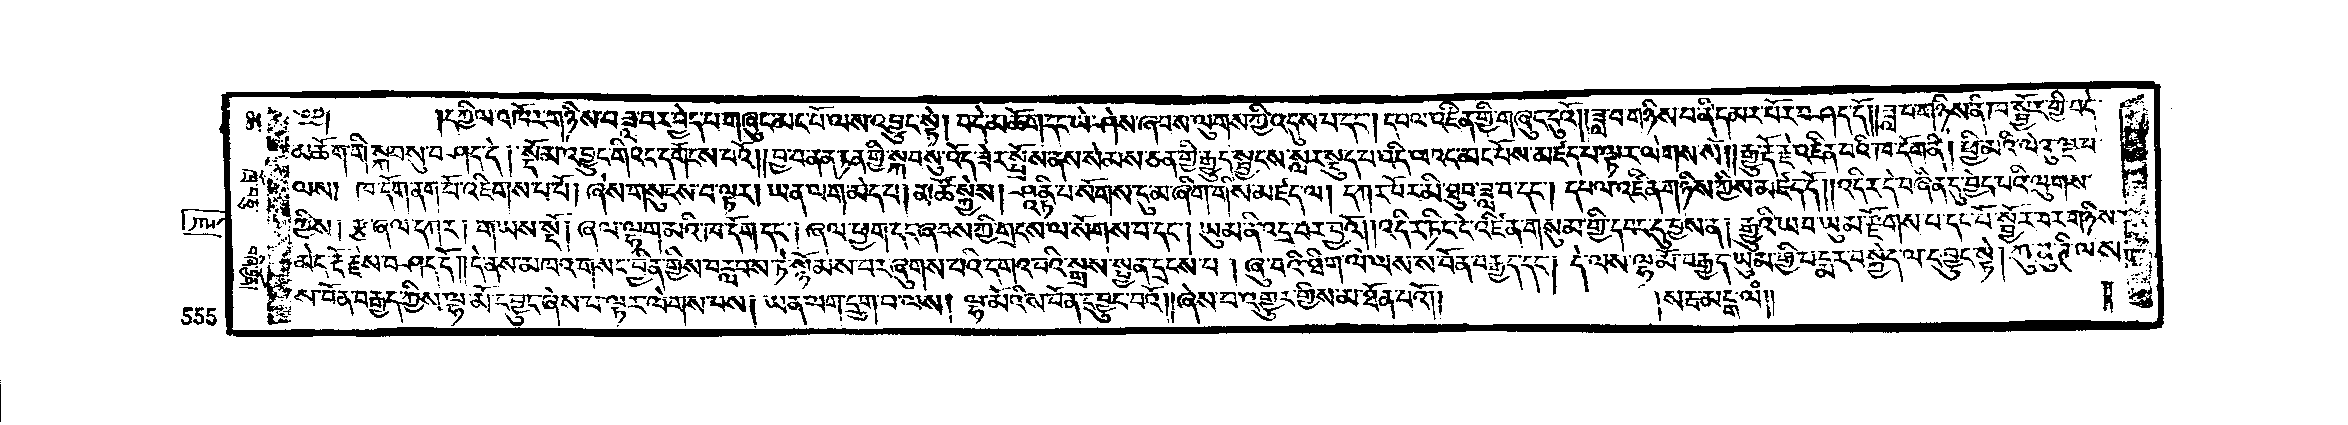༄༅། །དཀྱིལ་འཁོར་གཉིས་པ་ཟླ་བར་བྱེད་པ་གཞུང་མང་པོ་ལས་འབྱུང་སྟེ། བདེ་མཆོག་དང་ཡེ་ཤེས་ཞབས་ལུགས་ཀྱི་འདུས་པ་དང་། དཔལ་འཛིན་གྱི་གཞུང་དུའོ། །ཟླ་བ་གཉིས་པ་ནི་དམར་པོར་བཤད་དོ། །ཟླ་བ་གཉིས་ནི་ཁ་སྦྱོར་གྱི་བདེ་
མཆོག་གི་སྐབས་སུ་བཤད་དེ། སྡོམ་འབྱུང་གིའང་དགོངས་པའོ། །བྱ་བ་ནན་ཏན་གྱི་སྐབས་སུ་འོད་ཟེར་སྤྲོས་ནས་སེམས་ཅན་གྱི་རྒྱུད་སྦྱངས་སླར་སྡུད་པ་འདི་ལའང་མང་པོས་མཛད་པ་ལྟར་ལེགས་སོ། །རྒྱུ་རྡོ་རྗེ་འཛིན་པའི་ཁ་དོག་ནི། ཕྱི་མའི་ལེའུ་ལྔ་པ་
ལས། ཁ་དོག་ནག་པོ་འཇིགས་པ་པོ། ཞེས་གསུངས་པ་ལྟར། ཡན་ལག་མེད་པ། མཚོ་སྐྱེས། ཤཱནྟི་པ་སོགས་དུ་མ་ཞིག་གིས་མཛད་ལ། དཀར་པོར་མི་ཐུབ་ཟླ་བ་དང་། དཔལ་འཛིན་གཉིས་ཀྱིས་མཛད་དོ། །འདིར་དེ་བཞིན་དུ་བྱེད་པའི་ལུགས་
ཀྱིས། རྩ་ཞལ་དཀར། གཡས་སྔོ། ཞལ་ལྷག་མའི་ཁ་དོག་དང་། ཞལ་ཕྱག་དང་ཞབས་ཀྱི་གྲངས་ལ་སོགས་པ་དང་། ཡུམ་ནི་འདྲ་བར་བྱའོ། །འདིར་ཏིང་ངེ་འཛིན་གསུམ་གྱི་དབང་དུ་བྱས་ན། རྒྱུའི་ཡབ་ཡུམ་རྫོགས་པ་དང་པོ་སྦྱོར་བར་གཉིས་
མེད་རྡོ་རྗེས་བཤད་དོ། །དེ་ནས་མཁའ་གསང་བྱིན་གྱིས་བརླབས་ཏེ་སྙོམས་པར་ཞུགས་པའི་དགའ་བའི་སྒྲས་སྤྱན་དྲངས་པ། ཞུ་བའི་ཐིག་ལེ་ལས་ས་བོན་བརྒྱད་དང་། དེ་ལས་ལྷ་མོ་བརྒྱད་ཡུམ་གྱི་པདམར་བསྐྱེད་ལ་དབྱུང་སྟེ། ཀུ་མུ་ཊི་ལས།
ས་བོན་བརྒྱད་ཀྱིས་ལྷ་མོ་དབྱུང་ཞེས་པ་ལྟར་ལེགས་པས། ཡན་ལག་དྲུག་པ་ལས། ལྷ་མོའི་ས་བོན་དབྱུང་བའོ། །ཞེས་པ་འགྱུར་གྱིས་མ་ཐོན་པའོ།། །སརྦ་མངྒ་ལཾ།། །།